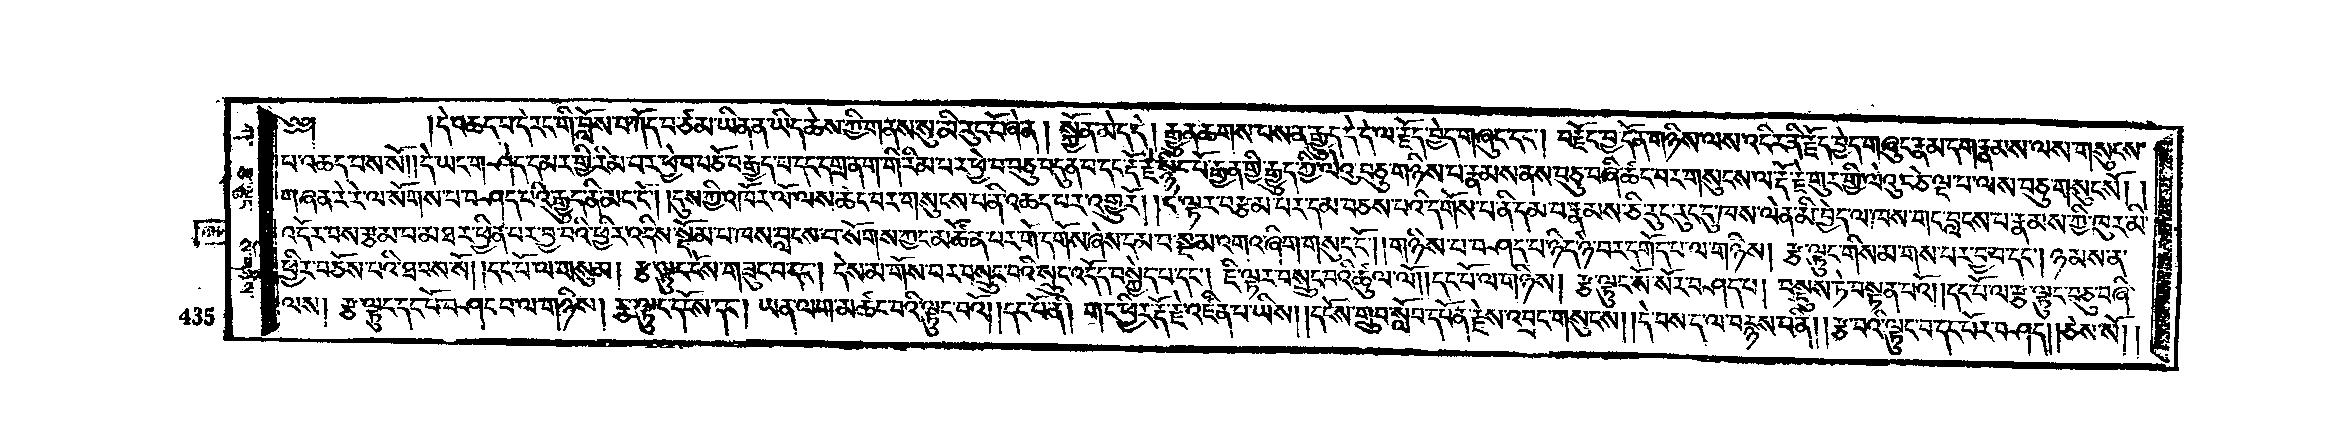༄༅། །དེ་འཆད་པ་དེ་རང་གི་བློས་བཀོད་པ་ཙམ་ཡིན་ན་ཡིད་ཆེས་ཀྱི་གནས་སུ་མི་རུང་ངོ་ཞེ་ན། སྐྱོན་མེད་དེ། རྒྱུན་ཆགས་པས་ན་རྒྱུད་དེ་དེ་ལ་རྗོད་བྱེད་གཞུང་དང་། བརྗོད་བྱ་དོན་གཉིས་ལས་འདིར་ནི་རྗོད་བྱེད་གཞུང་རྣམ་དག་རྣམས་ལས་གསུངས་
པ་འཆད་པས་སོ། །དེ་ཡང་གཤེད་དམར་གྱི་རིམ་པར་ཕྱེ་བ་བཅོ་བརྒྱད་པ་དང་དགྲ་ནག་གི་རིམ་པར་ཕྱེ་བ་བཅུ་བདུན་པ་དང་རྡོ་རྗེ་སྙིང་པོ་རྒྱན་གྱི་རྒྱུད་ཀྱི་ལེའུ་བཅུ་གཉིས་པ་རྣམས་ནས་བཅུ་བཞི་ཚང་བར་གསུངས་ལ་རྡོ་རྗེ་གུར་གྱི་ལེའུར་ཅེ་ལྔ་པ་ལས་བཅུ་གསུངས་སོ། །
གཞན་རེ་རེ་ལ་སོགས་པ་བཤད་པའི་རྒྱུད་ནི་མང་ངོ། །དུས་ཀྱི་འཁོར་ལོ་ལས་ཆེད་པར་གསུངས་པ་ནི་འཆད་པར་འགྱུར་རོ། །དེ་ལྟར་བརྩམ་པར་དམ་བཅས་པའི་དགོས་པ་ནི་དམ་པ་རྣམས་ཅི་རུང་རུང་དུ་ཁས་ལེན་མི་བྱེད་ལ་ཁས་གང་བླངས་པ་རྣམས་ཀྱི་ཁུར་མི་
འདོར་བས་རྩམ་པ་མཐར་ཕྱིན་པར་བྱ་བའི་ཕྱིར་འདིས་སྡོམ་པ་ཁས་བླངས་པ་སོགས་ཀྱང་མཚོན་པར་གོ་དགོས་ཞེས་དམ་པ་སྔ་མ་འགའ་ཞིག་གསུང་ངོ། །གཉིས་པ་བཤད་པ་ཉིད་ཉེ་བར་དགོད་པ་ལ་གཉིས། རྩ་ལྟུང་གིས་མ་གས་པར་བྱ་བ་དང་། ཉམས་ན་
ཕྱིར་བཅོས་པའི་ཐབས་སོ། །དང་པོ་ལ་གསུམ། རྩ་ལྟུང་ངོས་གཟུང་བ་དང་། དེས་མ་གོས་པར་བསྲུང་བའི་སྲུང་འདོད་བསྐྱེད་པ་དང་། ཇི་ལྟར་བསྲུང་བའི་ཚུལ་ལོ། །དང་པོ་ལ་གཉིས། རྩ་ལྟུང་སོ་སོར་བཤད་པ། བསྡུས་ཏེ་བསྟན་པའོ། །དང་པོ་ལ་རྩ་ལྟུང་བཅུ་བཞི་
ལས། རྩ་ལྟུང་དང་པོ་བཤད་པ་ལ་གཉིས། རྩ་ལྟུང་དངོས་དང་། ཡན་ལག་མ་ཚང་བའི་ལྟུང་བའོ། །དང་པོ་ནི། གང་ཕྱིར་རྡོ་རྗེ་འཛིན་པ་ཡིས། །དངོས་གྲུབ་སློབ་དཔོན་རྗེས་འབྲང་གསུངས། །དེ་བས་ད་ལ་བརྙས་པ་ནི། །རྩ་བའི་ལྟུང་བ་དང་པོར་བཤད། །ཅེས་སོ། །